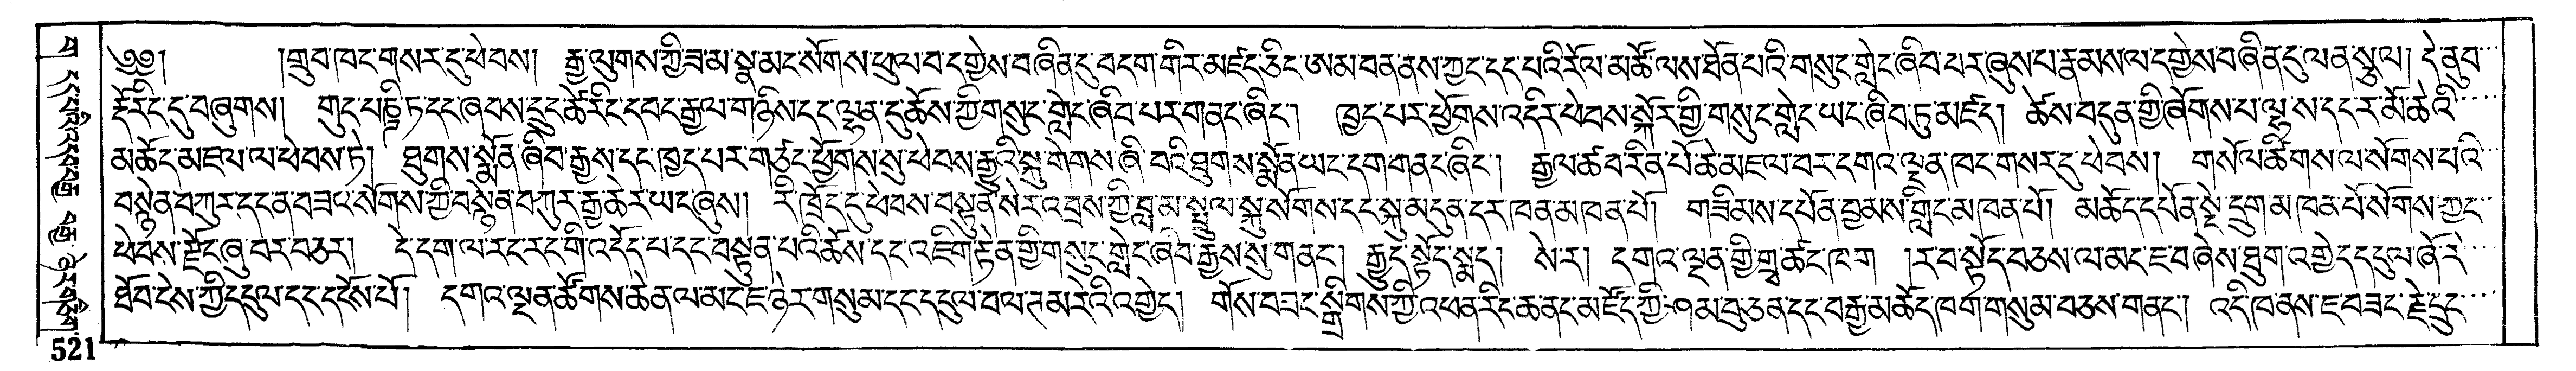༄༅། །གྲུབ་ཁང་གསར་དུ་ཕེབས། རྒྱ་ལུགས་ཀྱི་ཟ་མ་སྣ་མང་སོགས་ཕུལ་བ་དགྱེས་བཞིན་དུ་བདག་གིར་མཛད་ཅིང་ཨམ་བན་ནས་ཀྱང་དད་པའི་རོལ་མཚོ་ལས་ཐོན་པའི་གསུད་གླེང་ཞིབ་བར་ཞུས་པ་རྣམས་ལ་དགྱེས་བཞིན་དུ་ལན་སྩལ། དེ་ནུབ་
རྡོ་རིང་དུ་བཞུགས། གུང་པཎྜི་ཏ་དང་ཞབས་དྲུང་ཚེ་རིང་དབང་རྒྱལ་གཉིས་དང་ལྷན་དུ་ཆོས་ཀྱི་གསུང་གླེང་ཞིབ་པར་གནང་ཞིང་། ཁྱད་པར་ཕྱོགས་འདིར་ཕེབས་སྐོར་གྱི་གསུང་གླེང་ཡང་ཞིབ་ཏུ་མཛད། ཚེས་བདུན་གྱི་ཞོགས་པ་ལྷ་ས་དང་ར་མོ་ཆེའི་
མཆོད་མཇལ་ལ་ཕེབས་ཏེ། ཐུགས་སྨོན་ཞིབ་རྒྱས་དང་ཁྱད་པར་གཙང་ཕྱོགས་སུ་ཕེབས་རྒྱུའི་སྐུ་གེགས་ཞི་བའི་ཐུགས་སྨོན་ཡང་དག་གནང་ཞིང་། རྒྱལ་ཚབ་རིན་པོ་ཆེ་མཇལ་བར་དགའ་ལྡན་ཁང་གསར་དུ་ཕེབས། གསོལ་ཚིགས་ལ་སོགས་པའི་
བསྙེན་བཀུར་དང་ན་བཟའ་སོགས་ཀྱི་བསྙེན་བཀུར་རྒྱ་ཆེར་ཡང་ཞུས། རི་ཁྲོད་དུ་ཕེབས་བསྟུན་སེར་འབྲས་ཀྱི་བླ་མ་སྤྲུལ་སྐུ་སོགས་དང་སྐུ་མདུན་དར་ཁན་མཁན་པོ། གཟིམས་དཔོན་བྱམས་གླིང་མཁན་པོ། མཆོད་དཔོན་སྡེ་དྲུག་མཁན་པོ་སོགས་ཀྱང་
ཕེབས་རྫོང་ཞུ་བར་བཅར། དེ་དག་ལ་རང་རང་གི་འདོད་པ་དང་བསྟུན་པའི་ཆོས་དང་འཇིག་རྟེན་གྱི་གསུང་གླེང་ཞིབ་རྒྱས་སུ་གནང་། རྒྱུད་སྟོང་སྨད། སེར། དགའ་ལྡན་གྱི་གྲྭ་ཚང་ཁག །ར་བ་སྟོད་བཅས་ལ་མང་ཇ་བཞེས་ཐུག་འགྱེད་དངུལ་ཞོ་རེ་
ཐོབ་ངེས་ཀྱི་དངུལ་དང་དངོས་པོ། དགའ་ལྡན་ཚོགས་ཆེན་ལ་མང་ཇ་ཉེར་གསུམ་དང་དངུལ་བལ་ཊམ་རེའི་འགྱེད། གོས་བཟང་སྒྲིགས་ཀྱི་འཕན་རིང་ཆ་ནང་མཛོད་ཀྱི་ཤམ་བུ་ཅན་དང་བརྒྱ་མཆོད་ཁག་གསུམ་བཅས་གནང་། འདི་ཁ་ནས་ཇ་བཟང་རྗེ་དྲུང་